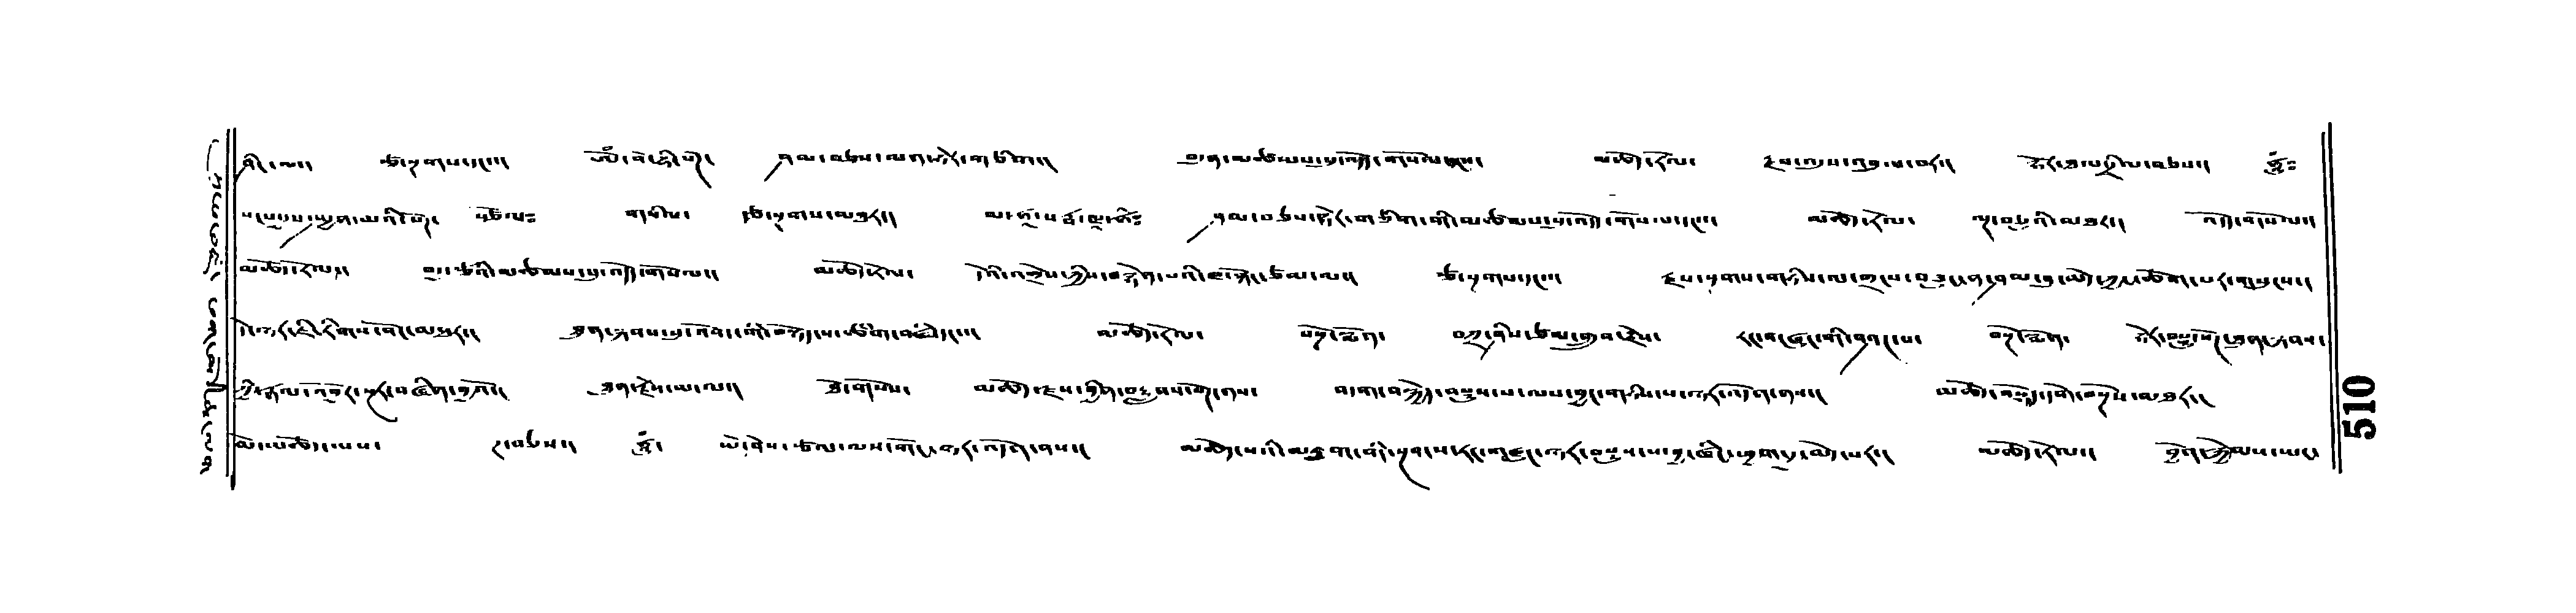ཤིང་ལ། རྩ་སྔགས་དང་། ཨོཾ་བྷོ་དྷི་སོགས། ཤམ་བཅས་ལན་ཉེར་གཅིག བདུན་མཚམས་སུ་འདོད་གསོལ་དང་། མཆོད་རོལ། རྫས་འདུས་འབུལ་བར། རྡོར་ཐལ་དྲིལ་བཅས། ཧཱུྃཿ 
སངས་རྒྱས་སྤྱན་མའི་སོགས། སྩོལ༔ གསིལ། རྩ་སྔགས་མཐར། མ་ཧཱ་སརྦ་ཁཱ་ཧིཿ ཤམ་བཅས་ཉེར་གཅིག་གི་མཚམས་སུ་འདོད་གསོལ་དང་། མཆོད་རོལ། ལྔ་བཅུའི་མཐར། འདོད་གསོལ། 
མཆོད་རོལ། བརྒྱ་རྩའི་མཚམས་སུ་འདོད་གསོལ། མཆོད་རོལ། དེའི་འགྲོས་ཀྱིས་བསྙེན་པའི་ཁ་སྐོང་ཙམ་མན། རྩ་སྔགས་དང་། རྫས་སྔགས་གཉིས་ལ་གྲངས་བཟུང་ན་ཤམ་བུ་མེད་ཀྱང་ཆོག་པར་གསུངས། 
དེ་གར་ཇི་རིགས་སོང་མཐར། ཐུན་སྐབས་སུ་འོག་གི་བསྟོད་པ་ཚིག་བཞི་དང་། མཆོད་རོལ། བསྔོ་སྨོན། བཀྲ་ཤིས་ཙམ་གྲུབ་རྗེས། རང་གཞུང་གི་བཤགས་པ། བསྔོ་སྨོན། ཉེར་བསྡུ་སོགས་ཐུན་སྐབས་
ཀྱི་རྣལ་འབྱོར་སྔར་བཞིན་བྱའོ། ཐུན་རྗེས་མ་ལ། ཐོ་གསོས། མཆོད་རྫས་བྱིན་བརླབས་སོགས་ནས། བདག་བསྐྱེད་བསྡུག་པ་ལས་བྱང་གཉིས་པ་ལྟར་འདོན་ནས། མཆོད་བསྟོད་དགེ་བསྔོའི་མཐར། 
མེ་མཆོད་ལས། ཌཱ་བཅས། ཧཱུྃ༔ ཡེ་ཤེས་རྩལ་ལས་གོང་ལྟར་འདོན་ནས། མཆོད་པའི་མཇུག་གི་སྔགས་རང་གཞུང་གར་བསྡུས་པ་བྱ་ཞིང་ཕྱག་རྒྱ་མེད་པར། མཆོད་རོལ། བྱོན་སྐྱེམས་ཡང་